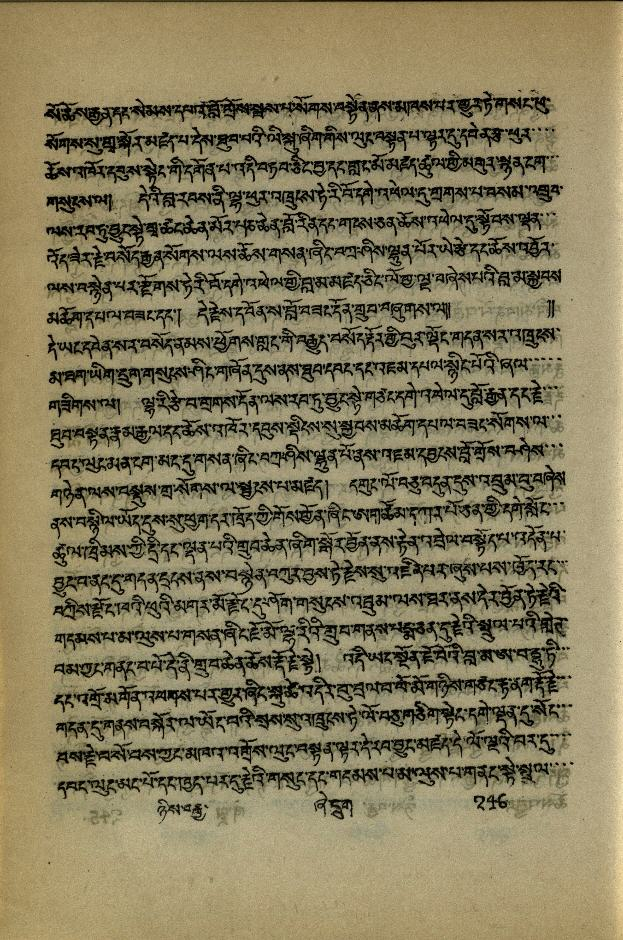སོ་ཆོས་རྒྱན་དང་སེམས་དཔའ་བློ་གྲོས་སྦས་པ་སོགས་བསྟེན་ནས་མཁས་པར་གྱུར་ཏེ་གསང་ཕུ་
སོགས་སུ་གྲྭ་སྐོར་མཛད་པ་དེས་ཐུབ་པའི་ལི་སྐུ་ཞིག་གིས་ལུང་བསྟན་པ་ལྟར་དུ་དབེན་རྩ་ཕུར་
ཆོས་འཁོར་དབུས་སྟེང་གི་དགོན་པ་འདི་བཏབ་ཅིང་བྱ་དང་གླང་མོ་མཛད་ཚུལ་གྱི་མགུར་སྙན་ངག་
གསུངས་ལ། དེའི་བླ་རབས་ནི་ལྷ་ཕུར་འཁྲུངས་ཏེ་རི་བོ་དགེ་འཕེལ་དུ་གྲགས་པ་བསམ་འགྲུབ་
ལས་རབ་ཏུ་བྱུང་སྟེ་གྲྭ་ཚང་ཆེན་མོར་པཎ་ཆེན་བློ་རིན་དང་གངས་ཅན་ཆོས་འཕེལ་དུ་སྟོབས་ལྡན་
འོད་ཟེར་རྗེ་བསོད་རྒྱན་སོགས་ལས་ཆོས་གསན་ཞིང་བཀྲ་ཤིས་ལྷུན་པོར་ཡེ་རྩེ་དང་ཆོས་འབྱོར་
ལས་བསྙེན་པར་རྫོགས་ཏེ་རི་བོ་དགེ་འཕེལ་གྱི་བླ་མ་མཛད་ཅིང་ལོ་གྱ་ལྔ་བཞེས་པའི་བླ་མ་སྐྱབས་
མཆོག་དཔལ་བཟང་དང་། དེ་རྗེས་དབོན་ས་བློ་བཟང་དོན་གྲུབ་བཞུགས་ལ།། །།
དེ་ཡང་དབེན་སར་བསོད་ནམས་ཕྱོགས་གླང་གི་བརྒྱུད་བསོད་རྡོར་གྱི་བུར་ལྡོང་གདན་སར་འཁྲུངས་
མ་ཐག་ཡིག་དྲུག་གསུངས་ཤིང་གཞོན་དུས་ནས་ཐུབ་དབང་དང་འཇམ་དཔལ་སྙིང་པོའི་ཞལ་
གཟིགས་ལ། ལྷ་རི་རྩེ་བ་གྲགས་དོན་ལས་རབ་ཏུ་བྱུང་སྟེ་གཙང་དགེ་འཕེལ་དུ་བློ་རྒྱན་དང་རྗེ་
ཐུབ་བསྟན་རྣམ་རྒྱལ་དང་ཆོས་འཁོར་དབུས་སྡིངས་སུ་སྐྱབས་མཆོག་དཔལ་བཟང་སོགས་ལ་
དབང་ལུང་མན་ངག་མང་དུ་གསན་ཞིང་བཀྲ་ཤིས་ལྷུན་པོ་ནས་འཇམ་དབྱངས་བློ་གྲོས་བཤེས་
གཉེན་ལས་བསྡུས་གྲ་སོགས་ལ་སྦྱངས་པ་མཛད། དགུང་ལོ་བཅུ་བདུན་དུས་འབྲུམ་བུ་བཞེས་
ནས་བསྙིལ་ཡོད་དུས་སུ་ཕྱག་དར་ཁྲོད་ཀྱི་གོས་གྱོན་ཞིང་ཨག་ཚོམ་དཀར་པོ་ཅན་གྱི་དགེ་སློང་
ཚུལ་ཁྲིམས་ཀྱི་དྲི་དང་ལྡན་པའི་གྲུབ་ཆེན་ཞིག་སྒོར་བྱོན་ནས་རྟེན་འབྲེལ་བསྟོད་པ་འདོན་པ་
བྱུང་བ་ནང་དུ་གདན་དྲངས་ནས་བསྙེན་བཀུར་བྱས་ཏེ་རྗེས་སུ་འཛིན་པར་ཞུས་པས་ཁྱོད་རང་
བཀྲིས་རྫོང་ཁའི་ཕུའི་མགར་མོ་རྫང་དུ་ཤོག་གསུངས་འབྲུམ་ལས་ཐར་ནས་དེར་བྱོན་ཏེ་རྗེའི་
གདམས་པ་མ་ལུས་པ་གསན་ཞིང་ཇོ་མོ་ལྷ་རིའི་གྲུབ་གནས་པདམ་ཅན་དུ་རྗེའི་སྤྲུལ་པའི་གླེཌ་
བམ་ཀྱང་གནང་བ་པོ་དེ་ནི་གྲུབ་ཆེན་ཆོས་རྡོ་རྗེ་སྟེ། འདི་ཡང་སྔོན་ཇོ་བོའི་བླ་མ་ཨ་བ་དྷུ་ཏི་
དང་འགྲོ་མགོན་འཕགས་པར་གྱུར་ཞིང་སྐུ་ཚེ་འདིར་བུ་བྲལ་བ་ཕོ་མོ་གཉིས་གཙང་རྟ་ནག་རྡོ་རྗེ་
གདན་དུ་གནས་བསྐོར་ལ་ཡོང་བའི་སྲས་སུ་འཁྲུངས་ཏེ་ལོ་བཅུ་གཅིག་སྟེང་དགེ་ལྡན་དུ་སོང་
བས་རྗེ་བ་སོ་བས་ཀྱང་མཁའ་འགྲོས་ལུང་བསྟན་ལྟར་དེ་རབ་བྱུང་མཛད་དེ་ལོ་ལྔའི་བར་དུ་
དབང་ལུང་མང་པོ་དང་ཁྱད་པར་དུ་རྗེའི་གསུང་དང་གདམས་པ་མ་ལུས་པ་གནང་སྟེ་སྤྲུལ་